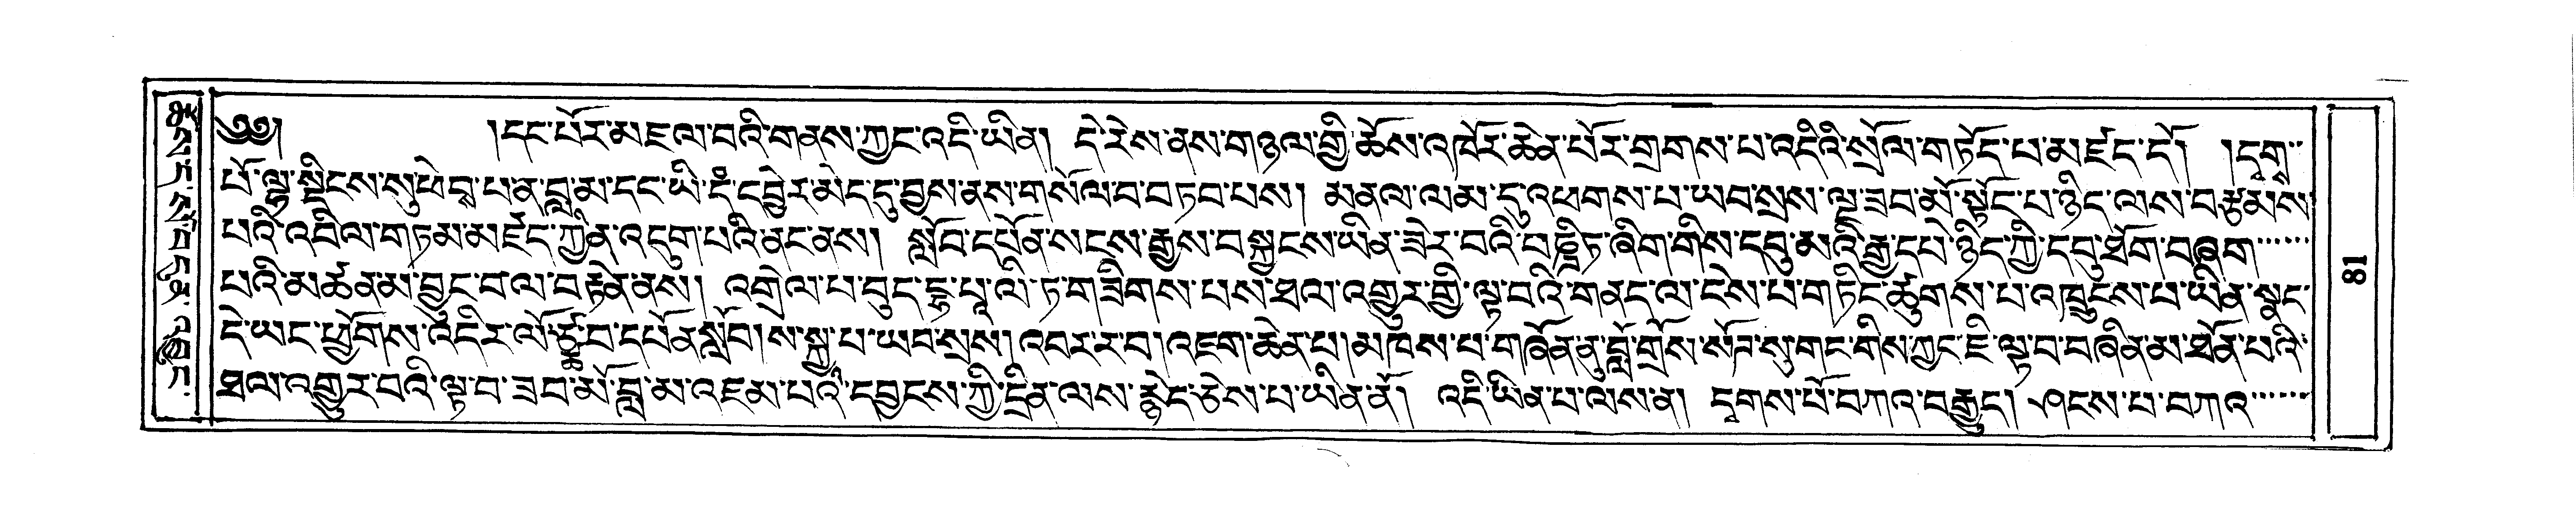༄༅། །དང་པོར་མཇལ་བའི་གནས་ཀྱང་འདི་ཡིན། དེ་རེས་ནས་གཉལ་གྱི་ཆོས་འཁོར་ཆེན་པོར་གྲགས་པ་འདིའི་སྲོལ་གཏོད་པ་མཛད་དོ། །དྭགས་
པོ་ལྷ་སྡིངས་སུ་ཕེབས་པ་ན་བླ་མ་དང་ཡི་དཾ་དབྱེར་མེད་དུ་བྱས་ནས་གསོལ་བ་བཏབ་པས། མནལ་ལམ་དུ་འཕགས་པ་ཡབ་སྲས་ལྔ་ཟབ་མོ་སྟོང་པ་ཉིད་ལས་བརྩམས་
པའི་འབིལ་གཏམ་མཛད་ཀྱིན་འདུག་པའི་ནང་ནས། སློབ་དཔོན་སངས་རྒྱས་བསྐྱངས་ཡིན་ཟེར་བའི་པཎྜིཏ་ཞིག་གིས་དབུ་མའི་རྒྱ་དཔེ་ཉིད་ཀྱི་དབུ་ཐོག་བཞག་
པའི་མཚན་མ་བྱུང་བ་ལ་བརྟེན་ནས། འགྲེལ་པ་བུད་དྷ་པཱ་ལི་ཏ་གཟིགས་པས་ཐལ་འགྱུར་གྱི་ལྟ་བའི་གནད་ལ་ངེས་པ་གཏིང་ཚུགས་པ་འཁྲུངས་པ་ཡིན་སྣང་
དེ་ཡང་ཕྱོགས་འདིར་ལོ་ཙྪ་བ་དཔོན་སློབ། ས་སྐྱ་པ་ཡབ་སྲས། འབར་ར་བ། འཇག་ཆེན་པ། མཁས་པ་གཞོན་ནུ་བློ་གྲོས་སོཌ་སུ་གང་གིས་ཀྱང་ཇི་ལྟ་བ་བཞིན་མ་ཐོན་པའི་
ཐལ་འགྱུར་བའི་ལྟ་བ་ཟབ་མོ་བླ་མ་འཇམ་པའི་དབྱངས་ཀྱི་དྲིན་ལས་རྙེད་ཅེས་པ་ཡིན་ནོ། འདི་ཡིན་པ་ལས་ན། དྭགས་པོ་བཀའ་བརྒྱུད། ཤངས་པ་བཀའ་